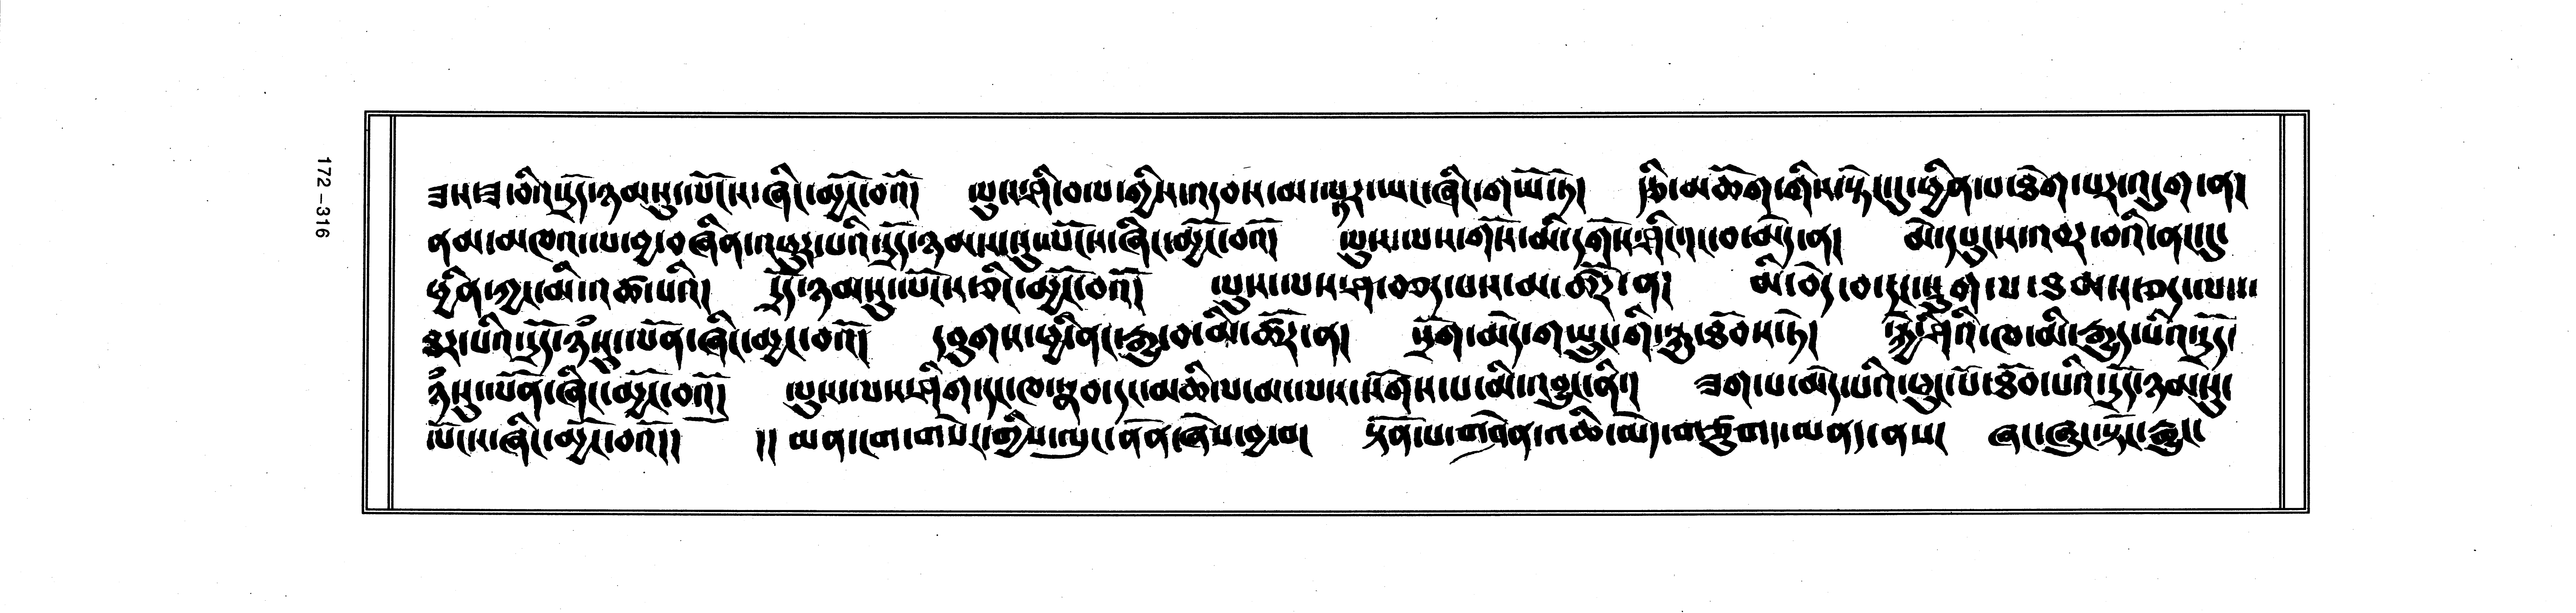ཟས་ཟ་བའི་དྲོད་ཉམས་སུ་ལོངས་ཞིང་མྱོང་བའོ། ལུས་ཤི་བལ་གྱིས་འདབས་མ་ལྟར་ཡང་ཞིང་གཡོ་ཏེ། རྩི་མཆོག་གིས་སྟེང་དུ་ཕྱིན་པ་ཐེག་པར་འདུག་ན། 
ནམ་མཁའ་ལ་བྱ་བཞིན་འཕུར་པའི་དྲོད་ཉམས་སུ་ལོངས་ཞིང་མྱོང་བའོ། ལུས་ལས་གོས་མི་དགོས་ཤིང་དངས་བ་མེད་ན། མེ་དཔུངས་འབར་བའི་ནང་དུ་
ཕྱིན་ཀྱང་མི་འཚ་པའི། དྲོད་ཉམས་སུ་ལོངས་ཅིང་མྱོང་བའོ། ལུས་ལས་ཤ་བཅད་པས་མ་ཚོར་ན། མི་བདེ་བ་དང་སྡུག་བསྔལ་ཐམས་ཅད་ལས་
ཐར་པའི་དྲོད་ཉམས་སུ་ལོན་ཞིང་མྱང་བའོ། དབུགས་ཕྱི་ནང་རྒྱུ་བ་མི་ཚོར་ན། སྲོག་མེད་གཡུང་དྲུང་གི་སྐུ་ཐོབས་ཏེ། སྐྱེ་ཤིའི་ཁ་མི་རྒྱུད་པའི་དྲོད་
ཉམས་སུ་ལོན་ཞིང་མྱོང་བའོ། ལུས་ལས་ཤིག་དང་ཁ་སྣབ་དང་མཆིལ་མ་ལས་སོགས་པ་མི་འབྱུང་ནི། ཟག་པ་མེད་པའི་ཕུང་པོ་ཐོབ་པའི་དྲོད་ཉམས་སུ་
ལོངས་ཞིང་མྱོང་བའོ། མན་ངག་གསེར་གྱིས་ལུང་ནོན་ཞེས་བྱ་བ། སྟོན་པ་གཤེན་འཆི་མེད་གཙུག་ཕུད་མན་ཆད་ནས། ཞང་ཞུང་སྟོང་རྒྱུང་